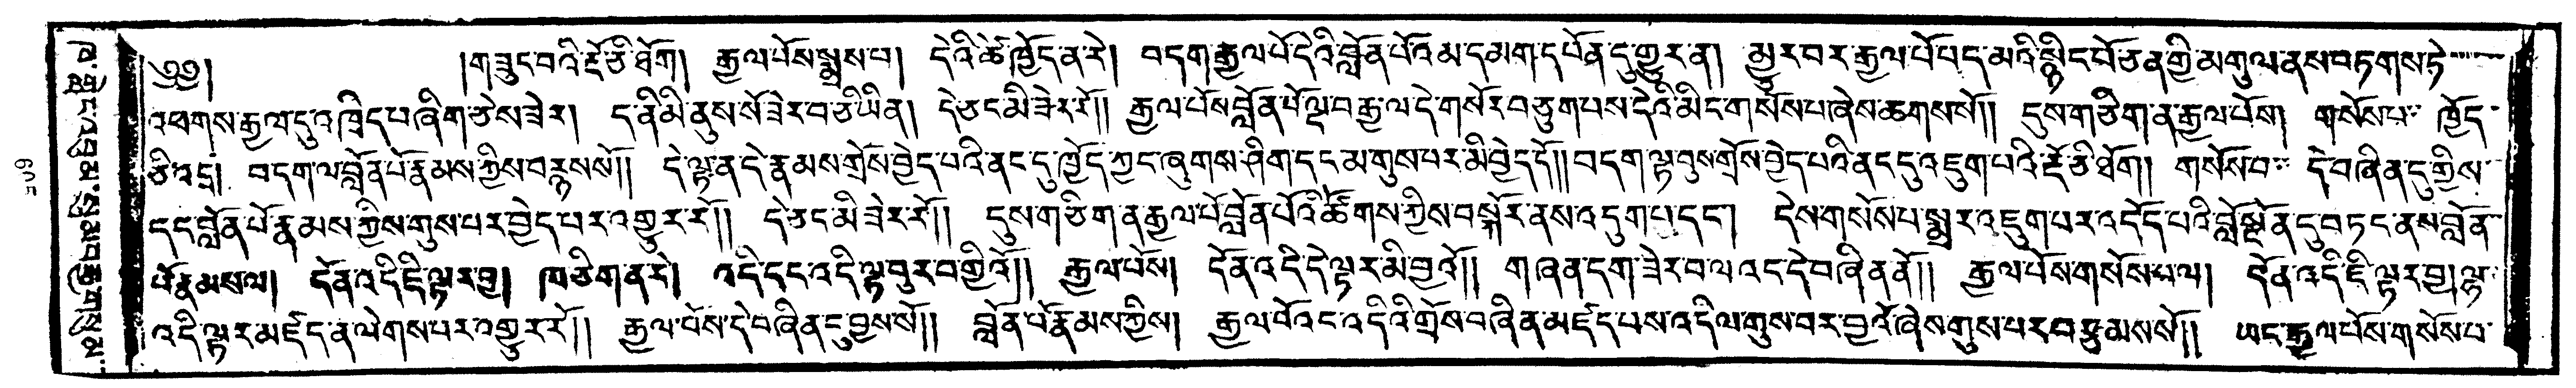༄༅། །གཟུང་བའི་རྡོ་ཅི་ཐོག། རྒྱལ་པོ་སྨྲས་པ། དེའི་ཚེ་ཁྱོད་ན་རེ། བདག་རྒྱལ་པོ་དེའི་བློན་པོའམ་དམག་དཔོན་དུ་གྱུར་ན། མྱུར་བར་རྒྱལ་པོ་པད་མའི་སྙིང་པོ་ཅན་གྱི་མགུལ་ནས་བཏགས་ཏེ་
འཕགས་རྒྱལ་དུ་འཁྲིད་པ་ཞིག་ཅེས་ཟེར། ད་ནི་མི་ནུས་སོ་ཟེར་བ་ཅི་ཡིན། དེ་ཅང་མི་ཟེར་རོ།། རྒྱལ་པོས་བློན་པོ་ལྔ་བརྒྱ་ལ་དེ་གསོར་བཅུག་པས་དེའི་མིང་གསོས་པ་ཞེས་ཆགས་སོ།། དུས་གཅིག་ན་རྒྱལ་པོས། གསོས་པ་ཁྱོད་
ཅི་འདྲ། བདག་ལ་བློན་པོ་རྣམས་ཀྱིས་བརྙས་སོ།། དེ་ལྟ་ན་དེ་རྣམས་གྲོས་བྱེད་པའི་ནང་དུ་ཁྱོད་ཀྱང་ཞུག་ཤིག་དང་མ་གུས་པར་མི་བྱེད་དོ།། བདག་ལྟ་བུས་གྲོས་བྱེད་པའི་ནང་དུ་འཇུག་པའི་རྡོ་ཅི་ཐོག། གསོས་བ་དེ་བཞིན་དུ་གྱིས་
དང་བློན་པོ་རྣམས་ཀྱིས་གུས་པར་བྱེད་པར་འགྱུར་རོ།། དེ་ཅང་མི་ཟེར་རོ།། དུས་གཅིག་ན་རྒྱལ་པོ་བློན་པོའི་ཚོགས་ཀྱིས་བསྐོར་ནས་འདུག་པ་དང་། དེས་གསོས་པ་སྨྲར་འཇུག་པར་འདོད་པའི་བློ་སྔོན་དུ་བཏང་ནས་བློན་
པོ་རྣམས་ལ། དོན་འདི་ཇི་ལྟར་བྱ། ཁ་ཅིག་ན་རེ། འདི་དང་འདི་ལྟ་བུར་བགྱིའོ།། རྒྱལ་པོས། དོན་འདི་དེ་ལྟར་མི་བྱའོ།། གཞན་དག་ཟེར་བ་ལ་འང་དེ་བཞིན་ནོ།། རྒྱལ་པོས་གསོས་པ་ལ། དོན་འདི་ཇི་ལྟར་བྱ། ལྷ་
འདི་ལྟར་མཛད་ན་ལེགས་པར་འགྱུར་རོ།། རྒྱལ་པོས་དེ་བཞིན་དུ་བྱས་སོ།། བློན་པོ་རྣམས་ཀྱིས། རྒྱལ་པོའང་འདིའི་གྲོས་བཞིན་མཛད་པས་འདི་ལ་གུས་བར་བྱའོ་ཞེས་གུས་པར་བརྩམས་སོ།། ཡང་རྒྱལ་པོས་གསོས་པ་